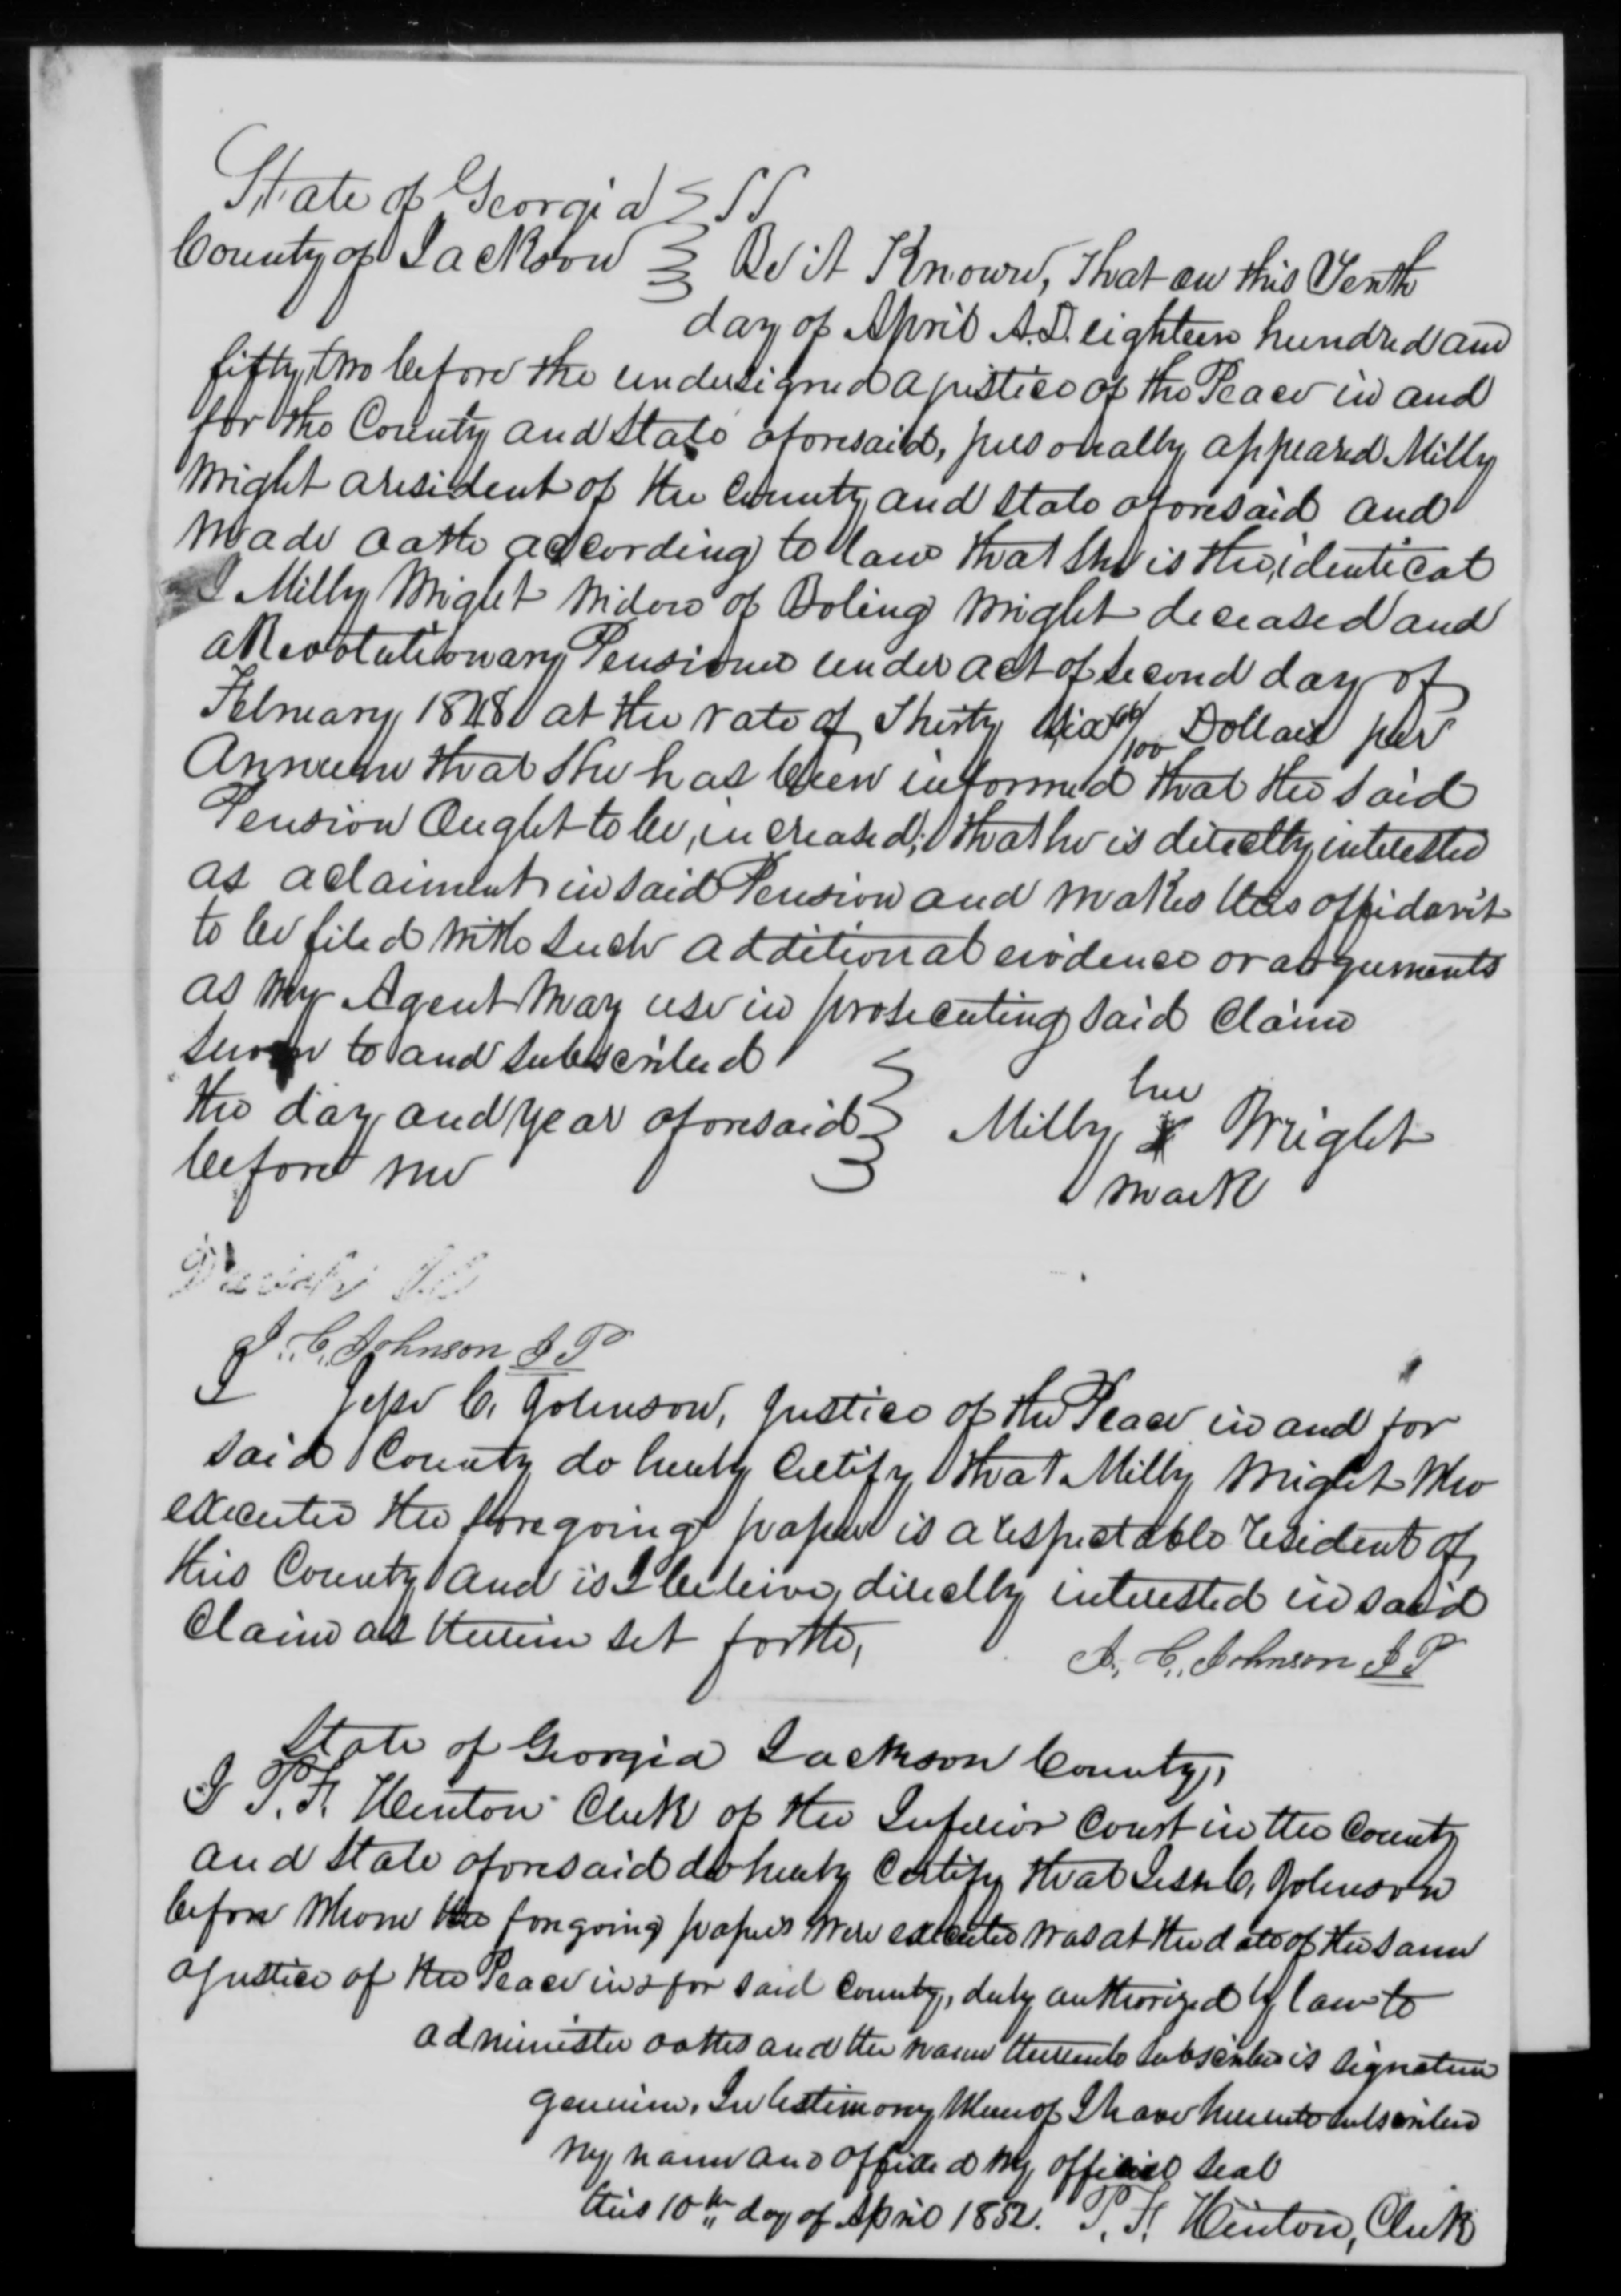State of Georgia SS
County of Jackson ⎬ Be it Known, That on this Tenth
day of April A.D. eighteen hundred and
fifty two before the undersigned a Justice of the Peace in and
for the County and State aforesaid, personally appeared Milly
Wright resident of the County and State aforesaid and
made oath according to law that she is the identical
Milly Wright Widow of Boling Wright deceased and
Revolutionary Pensioner under act of second day of
February 1848 at the rate of Thirty Six 66/100 Dollars per
Annum that she has been informed that the said
Pension ought to be increased; that he [sic] is directly interested
as a claiment in said Pension and makes this affidavit
to be filed with such additional evidence or arguments
as my Agent may use in prosecuting said claims
Milly X her mark Wright
Sworn to and subscribed
the day and year aforesaid 
before me
J. C. Johnson J P
I Jesse C. Johnson, Justice of the Peace in and for
said County do hereby certify that Milly Wright who
executed the foregoing paper is a respectable resident of
this County and is I believe, directly interested in said
claim as therein set forth,
J. C. Johnson J P

State of Georgia Jackson County,
I T. F. Winton Clerk of the Inferior Court in the County
and State aforesaid do hereby certify that Jesse C. Johnson
before whom the foregoing papers were extented was at the date of the same
a Justice of the Peace in & for said County, duly authorized by law to
administer oaths and the name thereunto subscribed is signature
genuine. In testimony whereof I have hereunto subscribed
my name and affixed my official seal
this 10th day of April 1852. T.F. Hinton, Clerk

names: T F Hinton, Jesse C Johnson, Boling Wright, Milly Wright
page: 64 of 81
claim: widow's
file: W. 5183, Bolling Wright, Va.